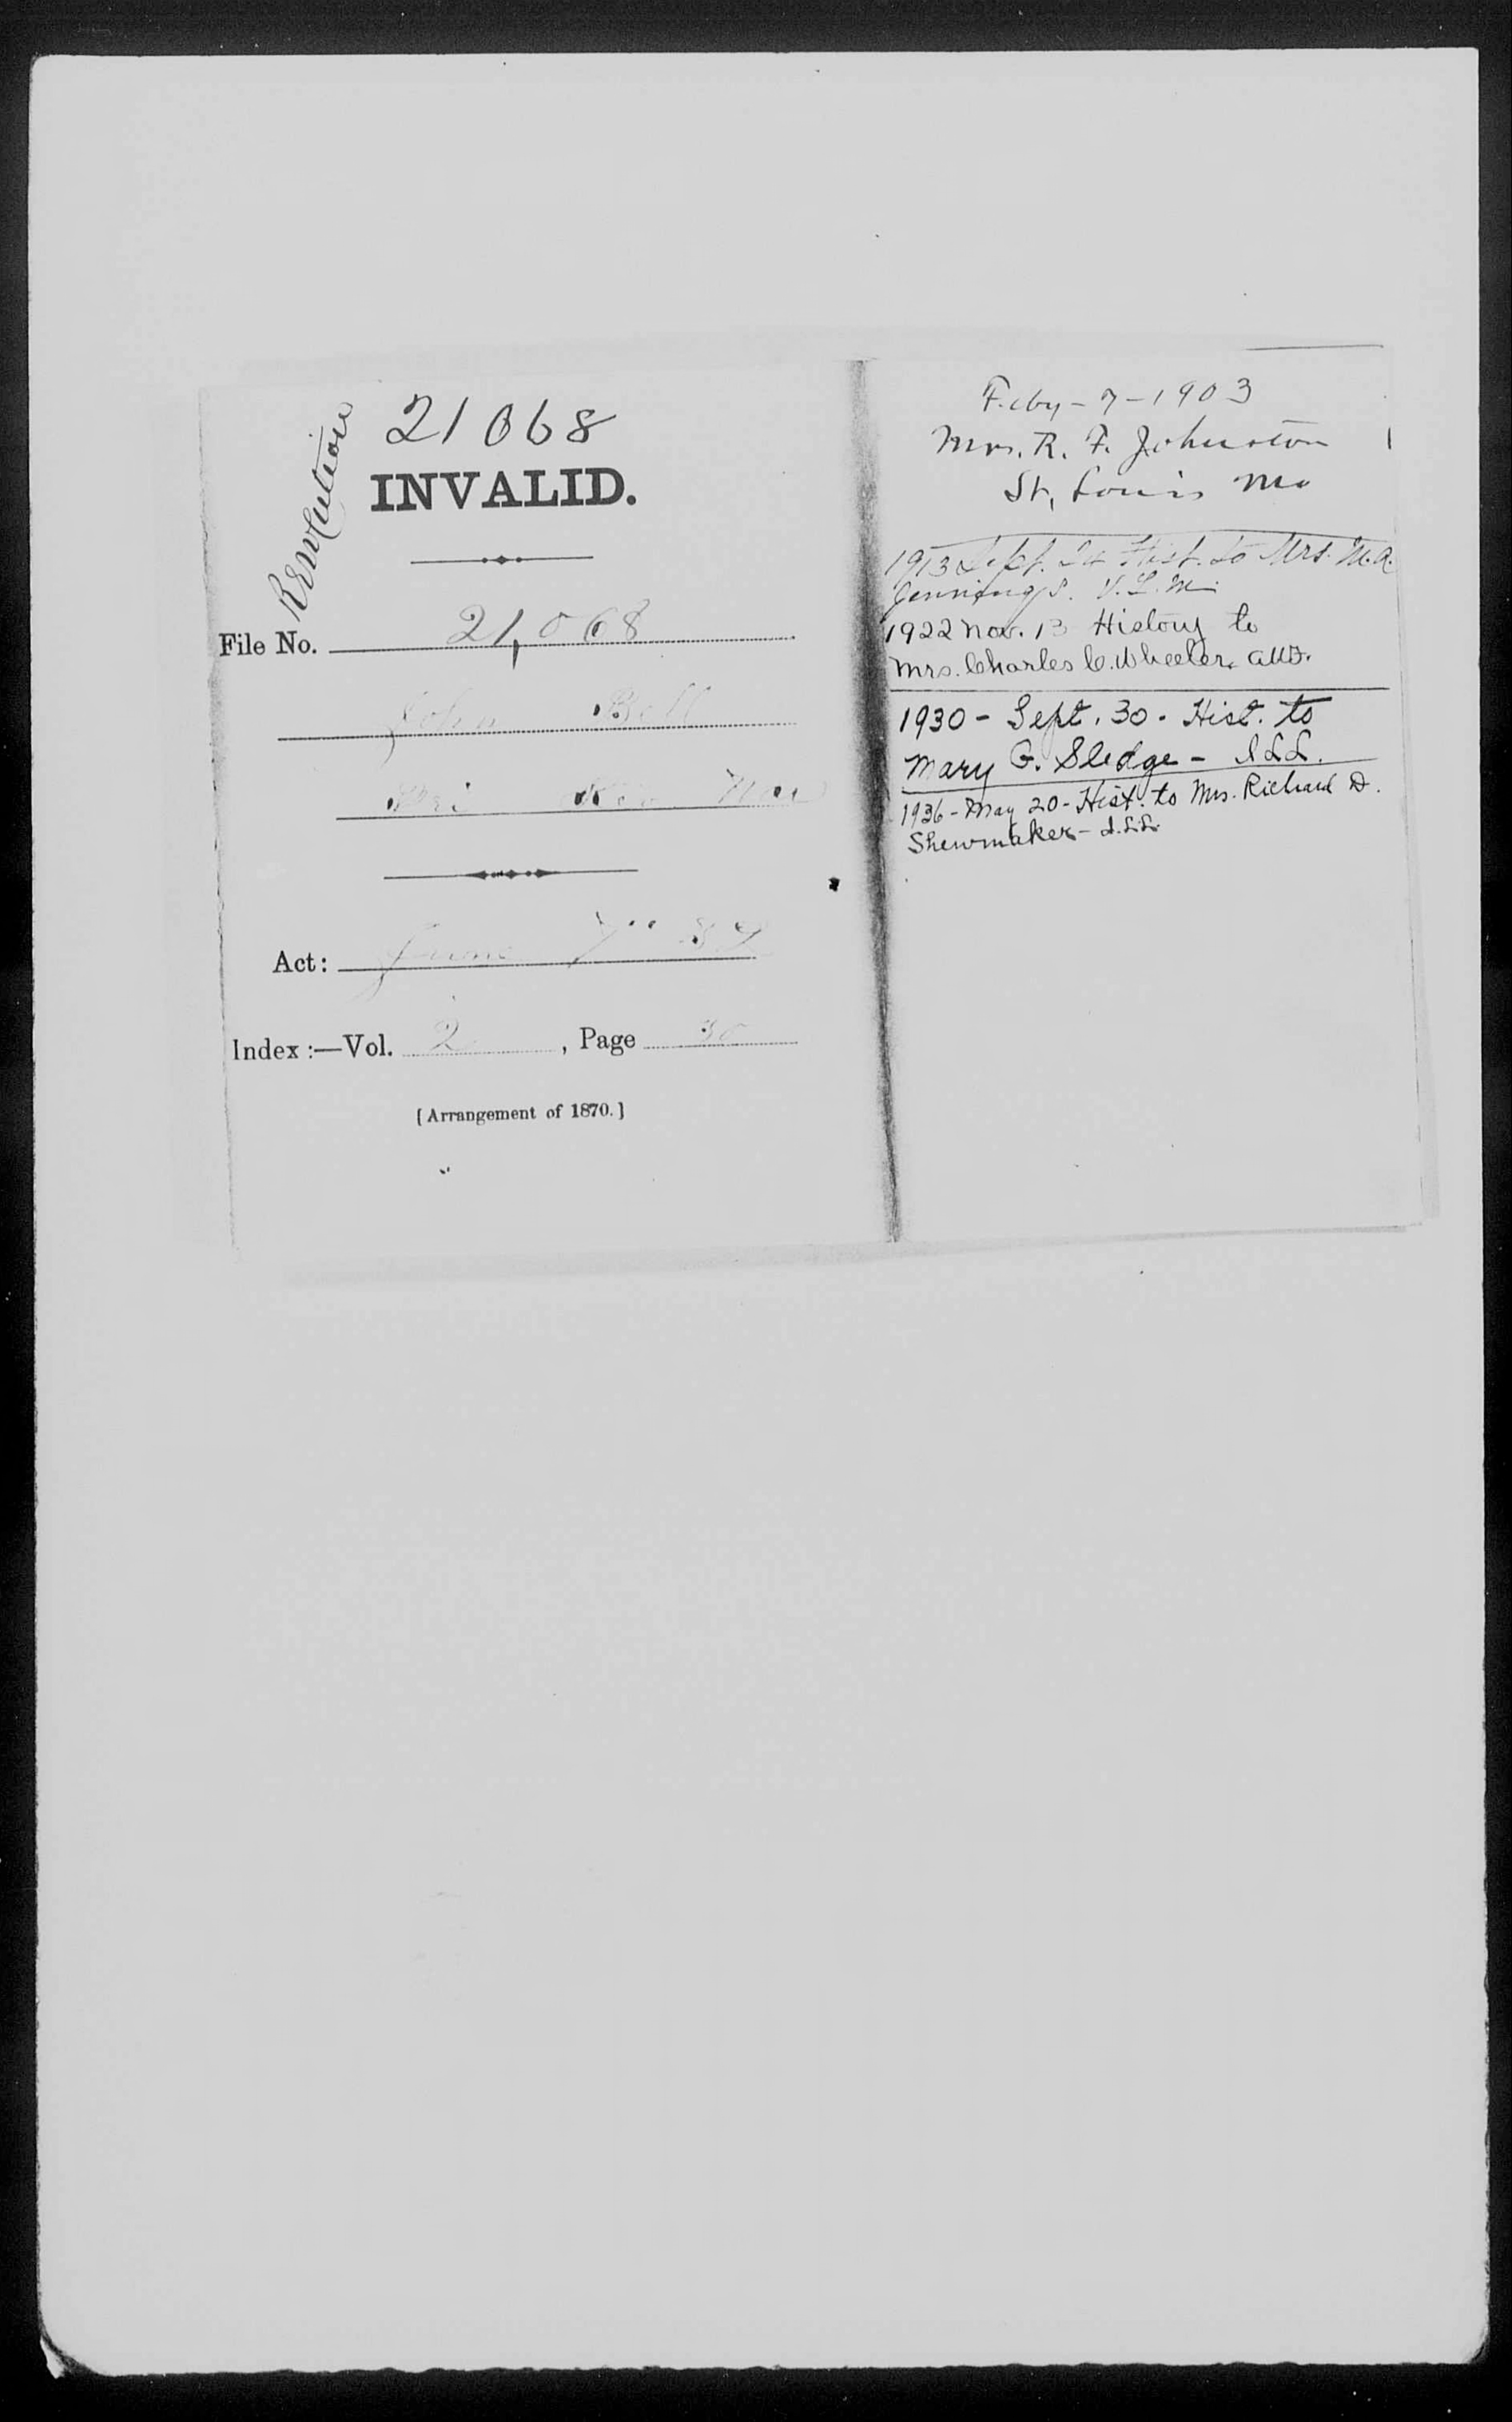( left page ) 21068  ( note )( Revolution )  
 INVALID .                                                          File No. 21068 Joh Bell Priv . Rev. War. Act June 7th 87 Index: - Vol. ,  2 , Page 30 [ Arrangement of 1870 ]                                                                ( right page ) Feby - 7- 1903  Mrs. R. F. Johnson  St. Louis , Mo. --------------------------------- 1913 Sept. 24 Hist, to Mrs. M. A. Jennings . V.L.M.  1922 Nov. 13 . History to Mrs. Charles C. Wheeler ans. -------------------------------------------  1930 - Sept. 30 . Hist. to Mary G. Sledge - Ill. 1936 - May 20 - Hist. to Mrs. Richard Shewmaker - Ill.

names: Charles C Wheeler, R F Johnston, M A Jennings, Mary G Sledge, John Bell, Richard D Shewmaker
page: 9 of 23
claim: survivor's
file: S. 21068, John Bell, Ga. N. C. S. C.